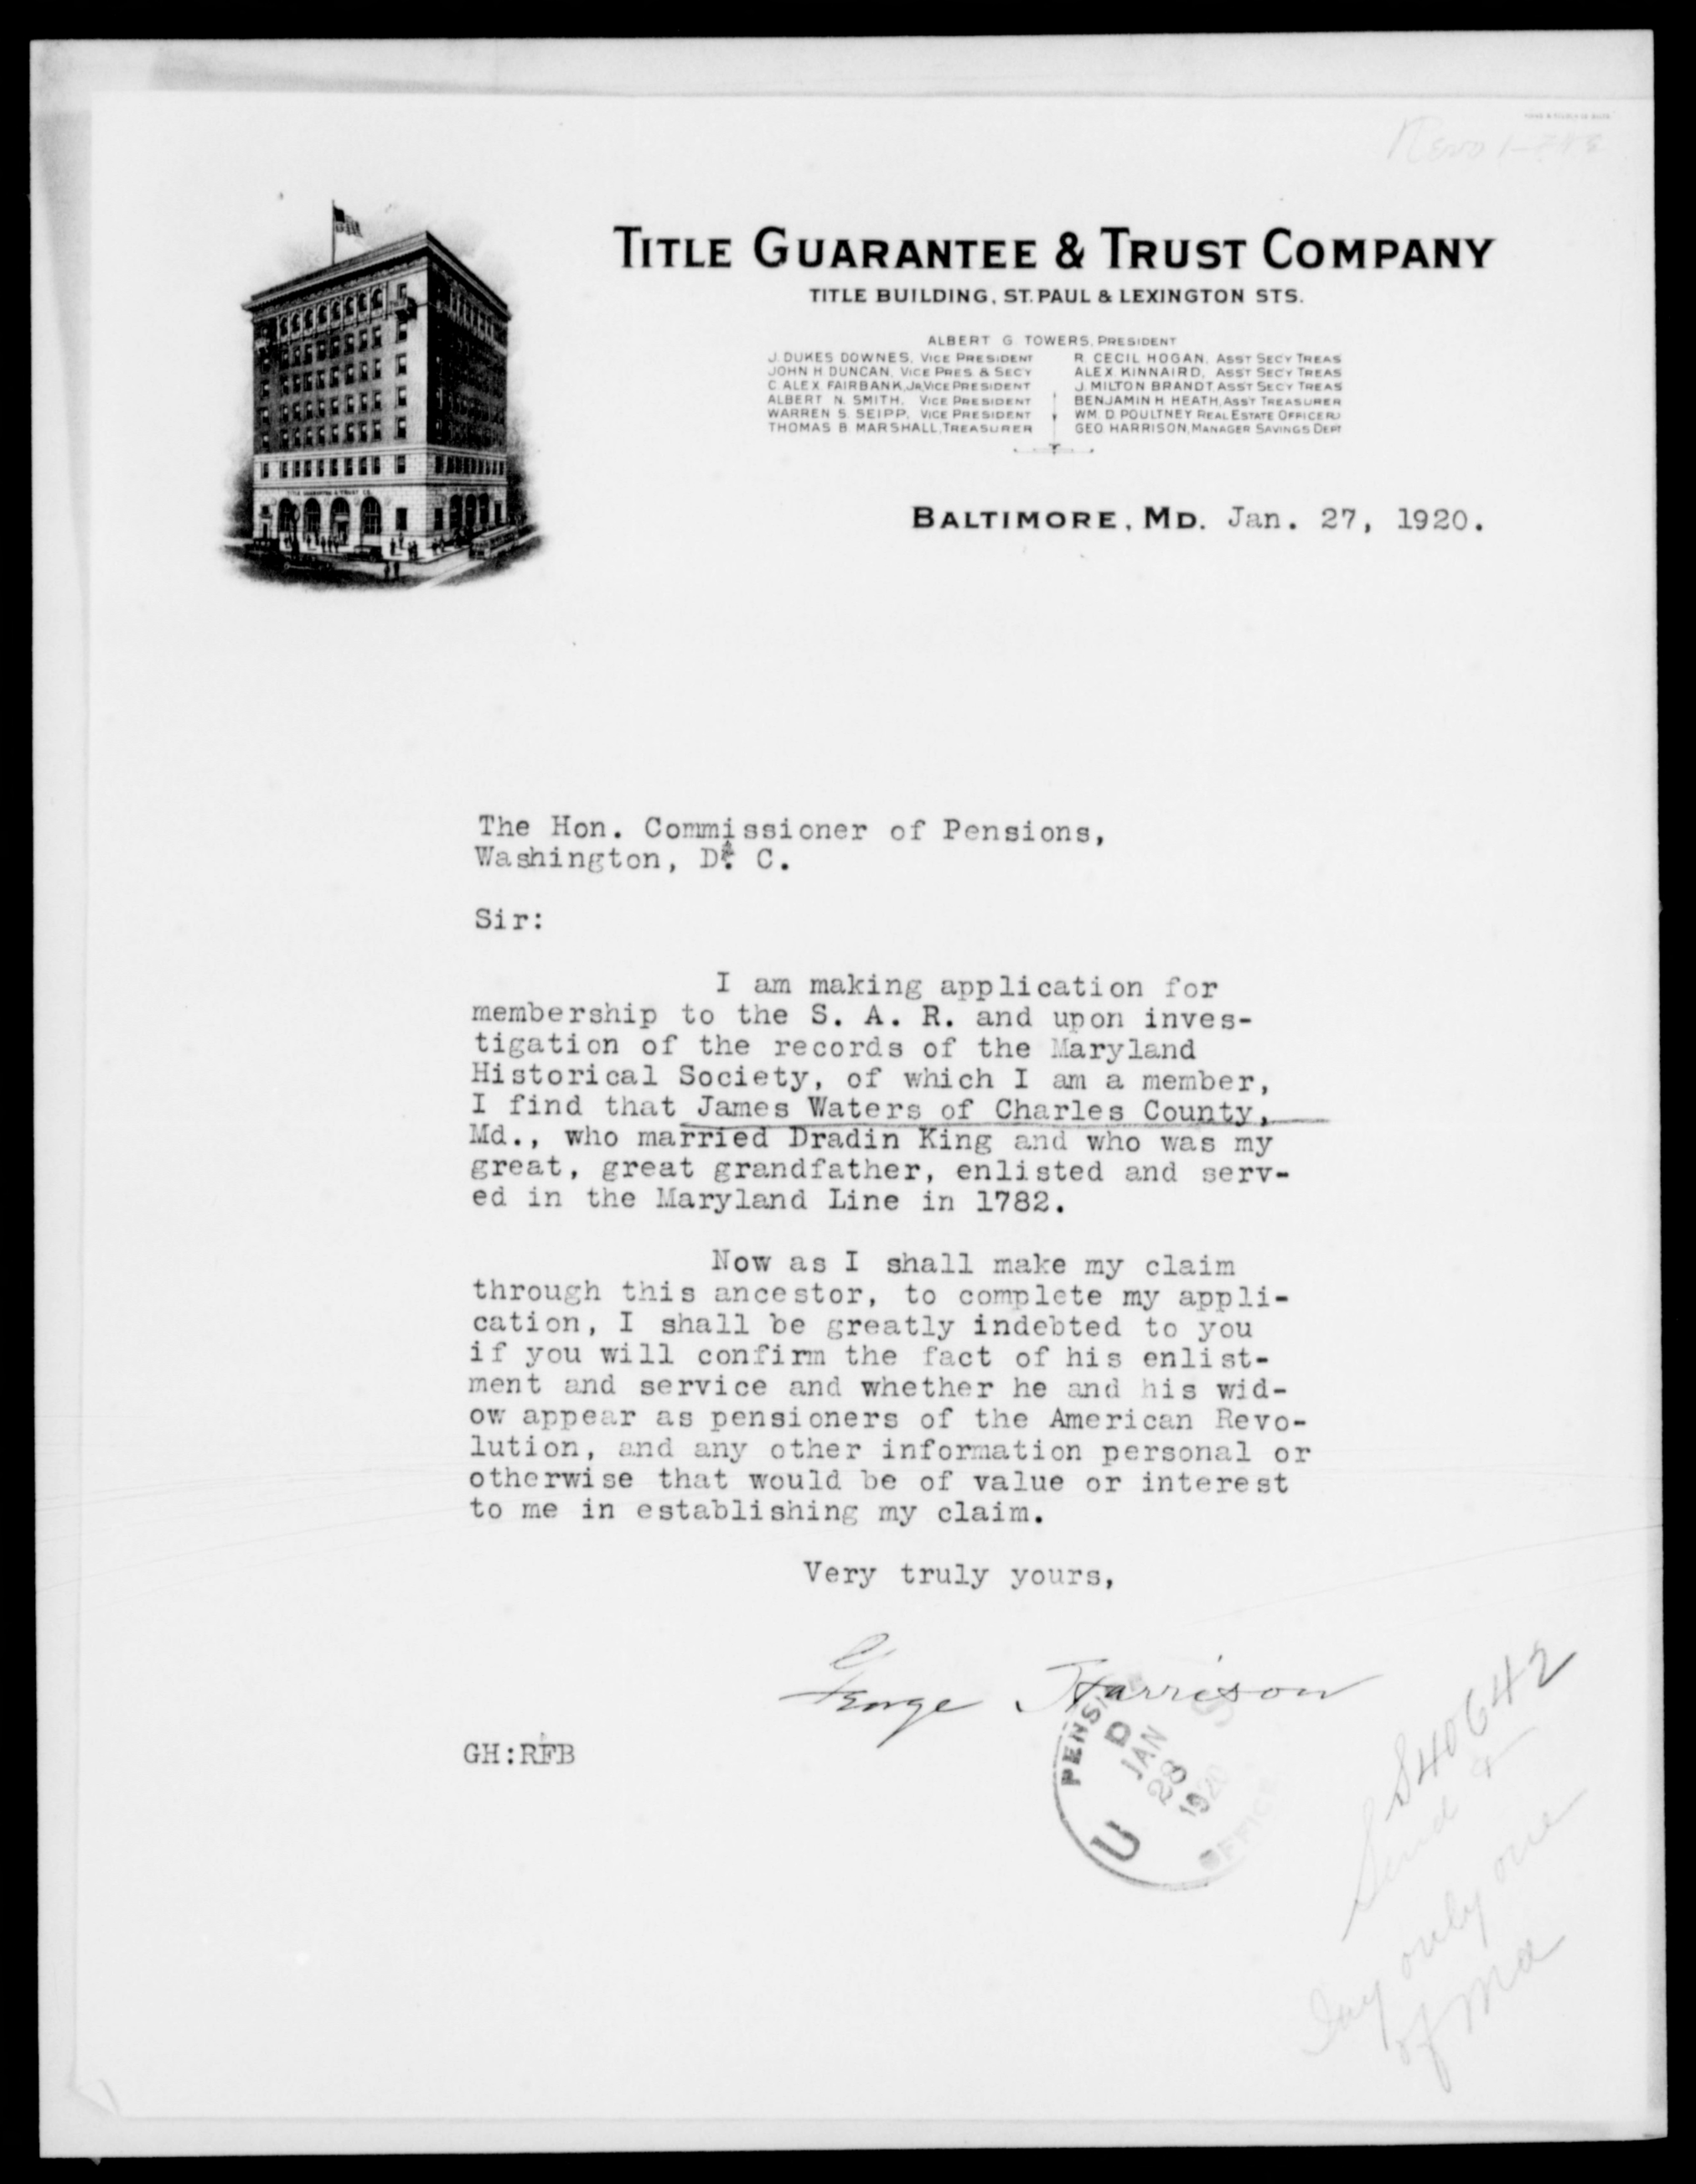[illegible top right corner]
Revo 1-7WE

TITLE GUARANTEE & TRUST COMPANY
TITLE BUILDING, ST. PAUL & LEXINGTON STS.
ALBERT G TOWERS PRESIDENT
J. DUKES DOWNES, VICE PRESIDENT
R CECIL HOGAN, ASS'T SEC'Y TREAS
JOHN H. DUNCAN, VICE PRES & SEC'Y
ALEX KINNAIRD, ASS'T SEC'Y TREAS
C. ALEX FAIRBANK, JR. VICE PRESIDENT
J. MILTON BRANDT, ASS'T SEC'Y TREAS
ALBERT N. SMITH, VICE PRESIDENT
BENJAMIN H. HEATH ASS'T TREASURER
WARRENS SEIPP. VICE PRESIDENT
WM. D. POULTNEY, REAL ESTATE OFFICER
THOMAS B. MARSHALL, TREASURER
GEO. HARRISON, MANAGER SAVINGS DEP'T
BALTIMORE, MD. Jan. 27, 1920.

The Hon. Commissioner of Pensions,
Washington, D. C.
Sir:
I am making application for membership to the S. A. R. and upon investigation of the records of the Maryland Historical Society, of which I am a member, I find that James Waters of Charles County, Md., who married Dradin King and who was my great, great grandfather, enlisted and served in the Maryland Line in 1782.

Now as I shall make my claim through this ancestor, to complete my application, I shall be greatly indebted to you if you will confirm the fact of his enlistment and service and whether he and his widow appear as pensioners of the American Revolution, and any other information personal or otherwise that would be of value or interest to me in establishing my claim.
Very truly yours,
George Harrison

GH:RFB
S40642
Send & Say only one of Md

[date stamp]
U PENSION OFFICE 
D  JAN 28 1920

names: Benjamin Heath, J Milton Brandt, Alex Kinnaird, J Dukes Downes, James Waters, George Harrison, C Alex Fairbank, Wm D Poultney, Albert R Smith, Geo Harrison, Warren S Seipp, Thomas B Marshall, Albert G Towers, Dradin King, R Cecil Hogan, John H Duncan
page: 25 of 29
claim: survivor's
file: S. 40642, James Waters, Continental (Md)